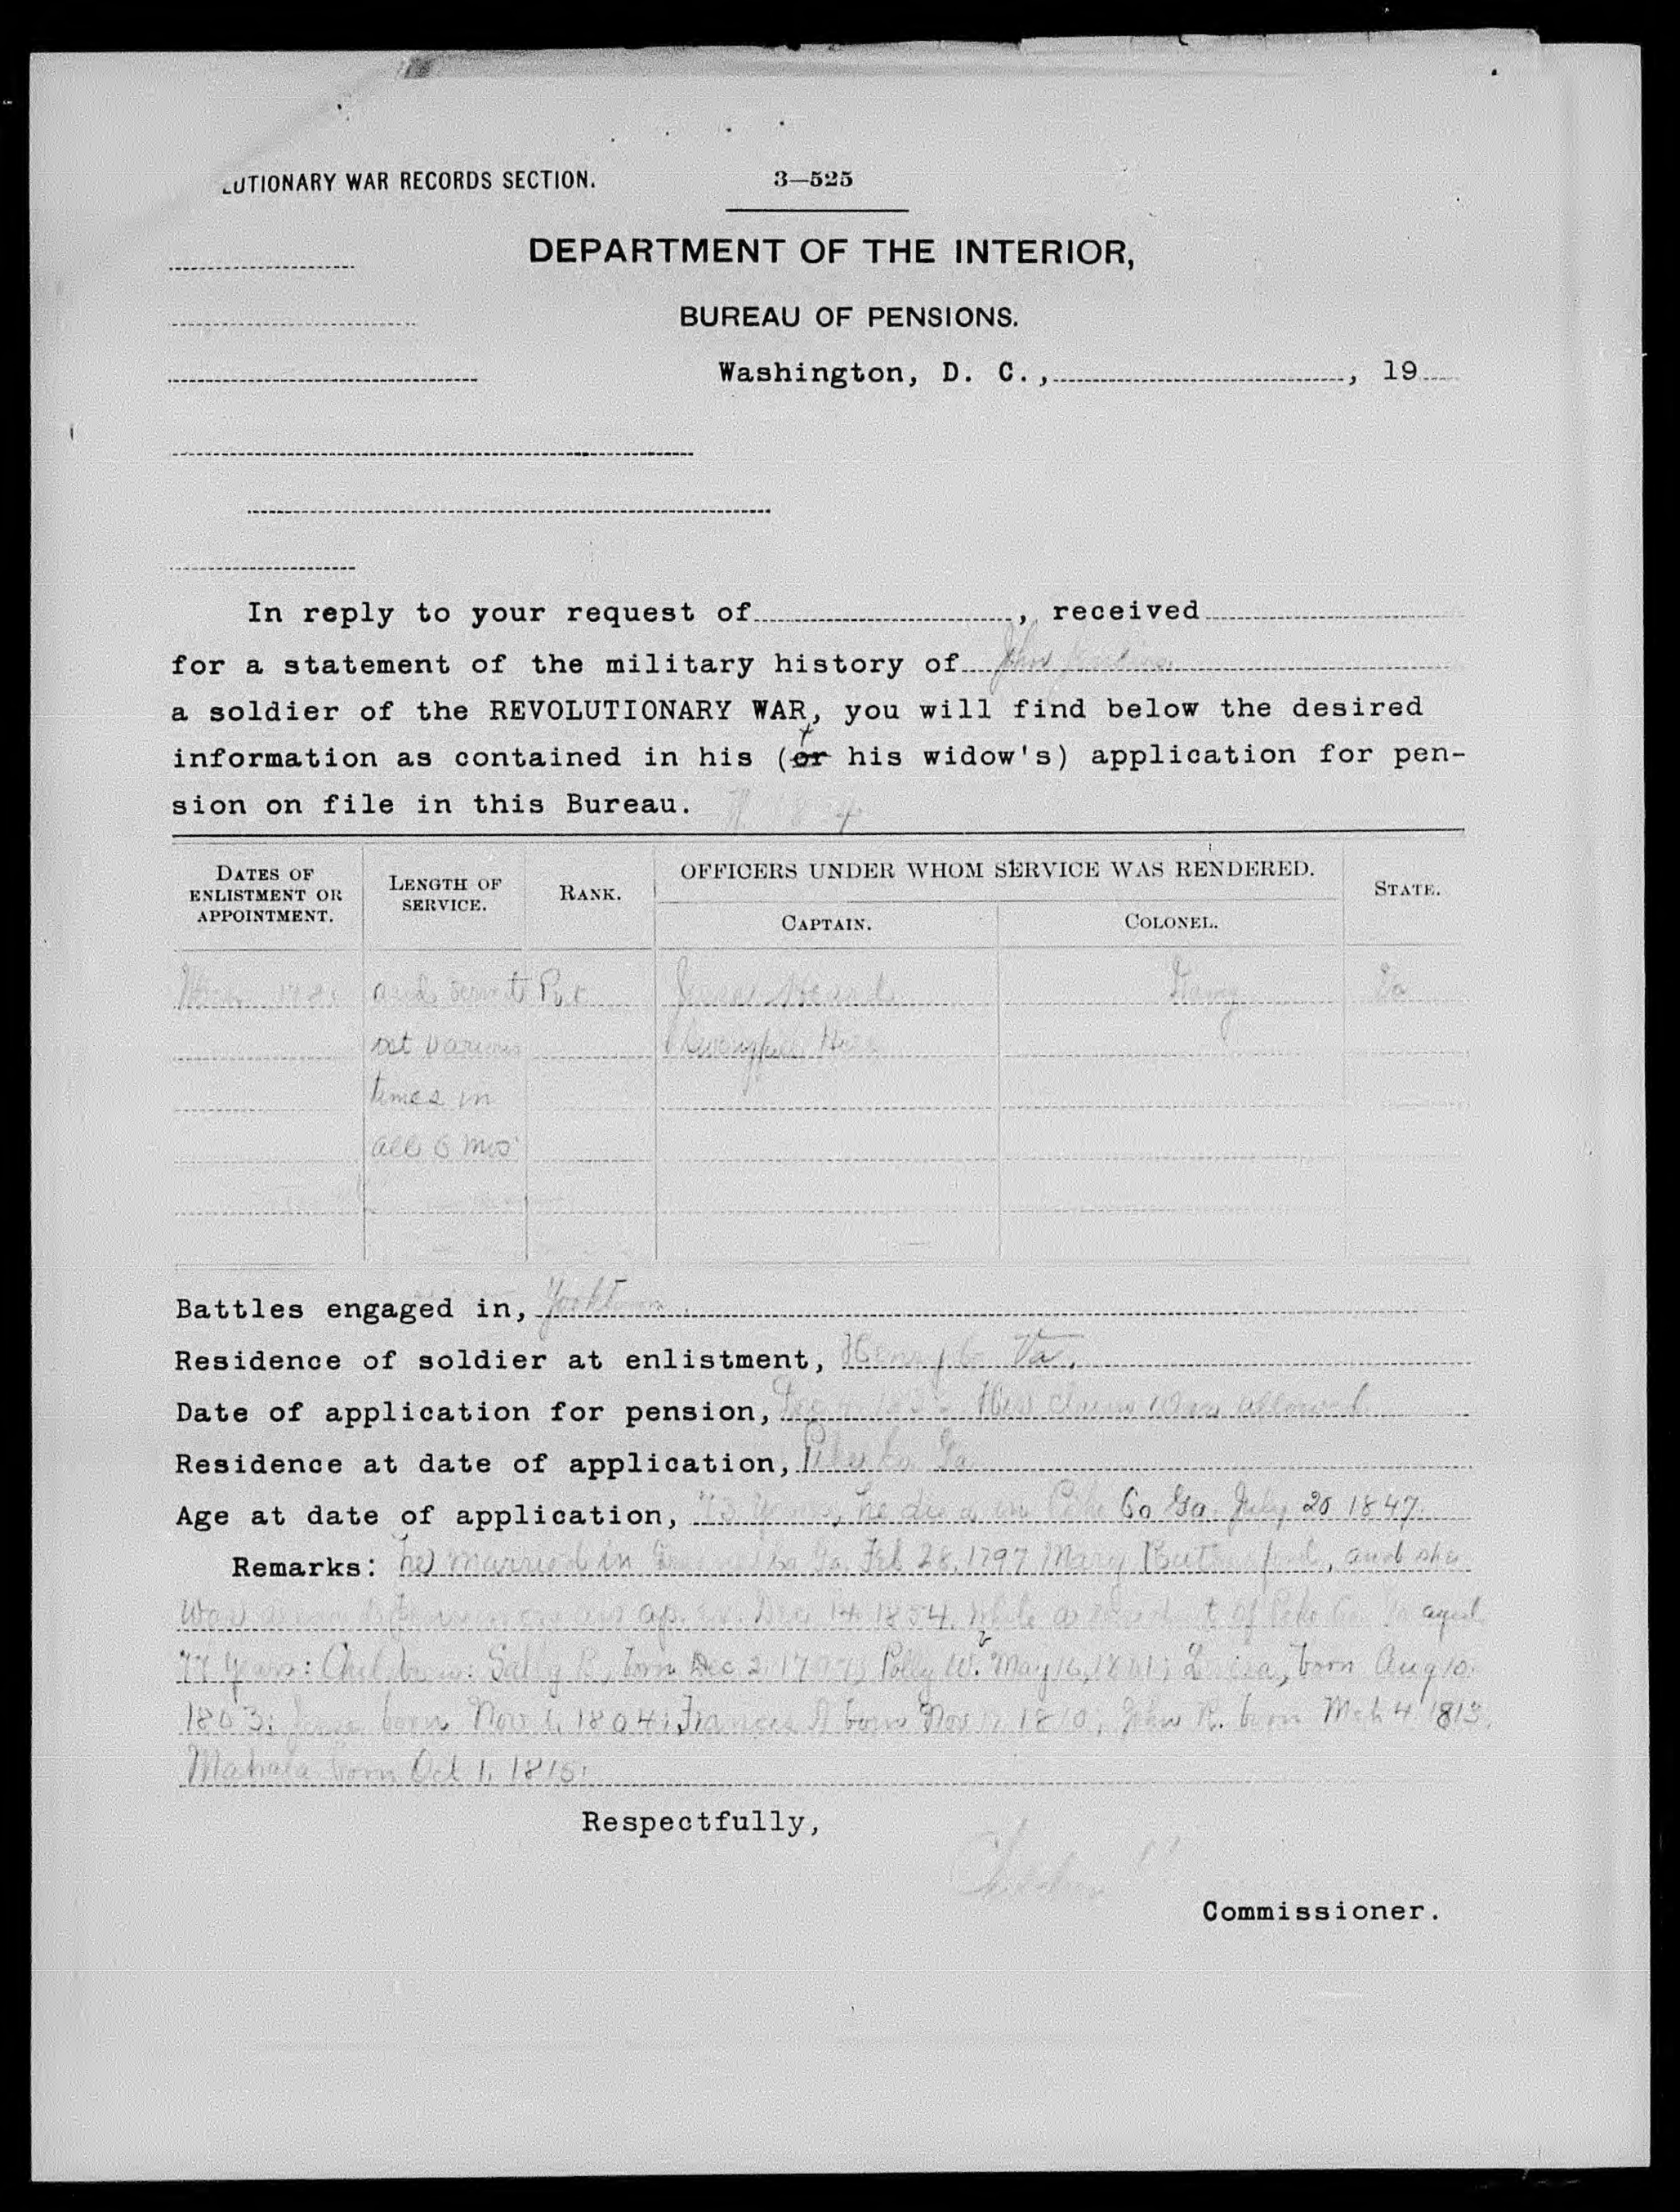[preprinted for with handwritten answers]
[missing information]LUTIONARY WAR RECORDS SECTION.
3 - 525
DEPARTMENT OF THE INTERIOR.
BUREAU OF PENSIONS.
Washington, D. C., 19
In reply to your request of__, received__ for a statement of the military history of John Jenkins a soldier of the REVOLUTIONARY WAR, you will find below the desired information as contained in his (or his widow's) application for pension on file in this Bureau. R. 7894
[column headings] 
DATES OF ENLISTMENT OR APPOINTMENT. | LENGTH OF SERVICE. | RANK. | OFFICERS UNDER WHOM SERVICE WAS RENDERED. | STATE. [secondary column headings]  
CAPTAIN. | COLONEL. | 
[data]
Mar 1780 | and served at various times in all 6 mos. | Pvt | Jesse Heard | Davey | Ga | | | | Swingfield Hill | | |
Battles engaged in, Yorktown 
Residence of soldier at enlistment, Henry Co Va.
Date of application for pension, Dec 4 1832 His claim was allowed.
Residence at date of application, Pike Co. Ga
Age at date of application, 73 years, he died in Pike Co Ga July 20 1847.
Remarks: he married in Greene Co Ga Feb 28, 1797 Mary Rutherford, and she was [illegible] [illegible] ap. ex. Dec 14 1854 While a resident of Pike Co Ga aged 77 years: Children: Sally B born Dec 2, 1797 Polly W. May 16, 1801; Lewisa, born Aug 10 1803; Jeses born Nov 1, 1804; Francis A born Nov 17, 1810; John R. born Mar 4, 1813; Mahala born Oct 1, 1815.
Respectfully,
[illegible]
Commissioner,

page: 53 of 55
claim: widow's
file: W. 7894, for John Jenkins, Virginia